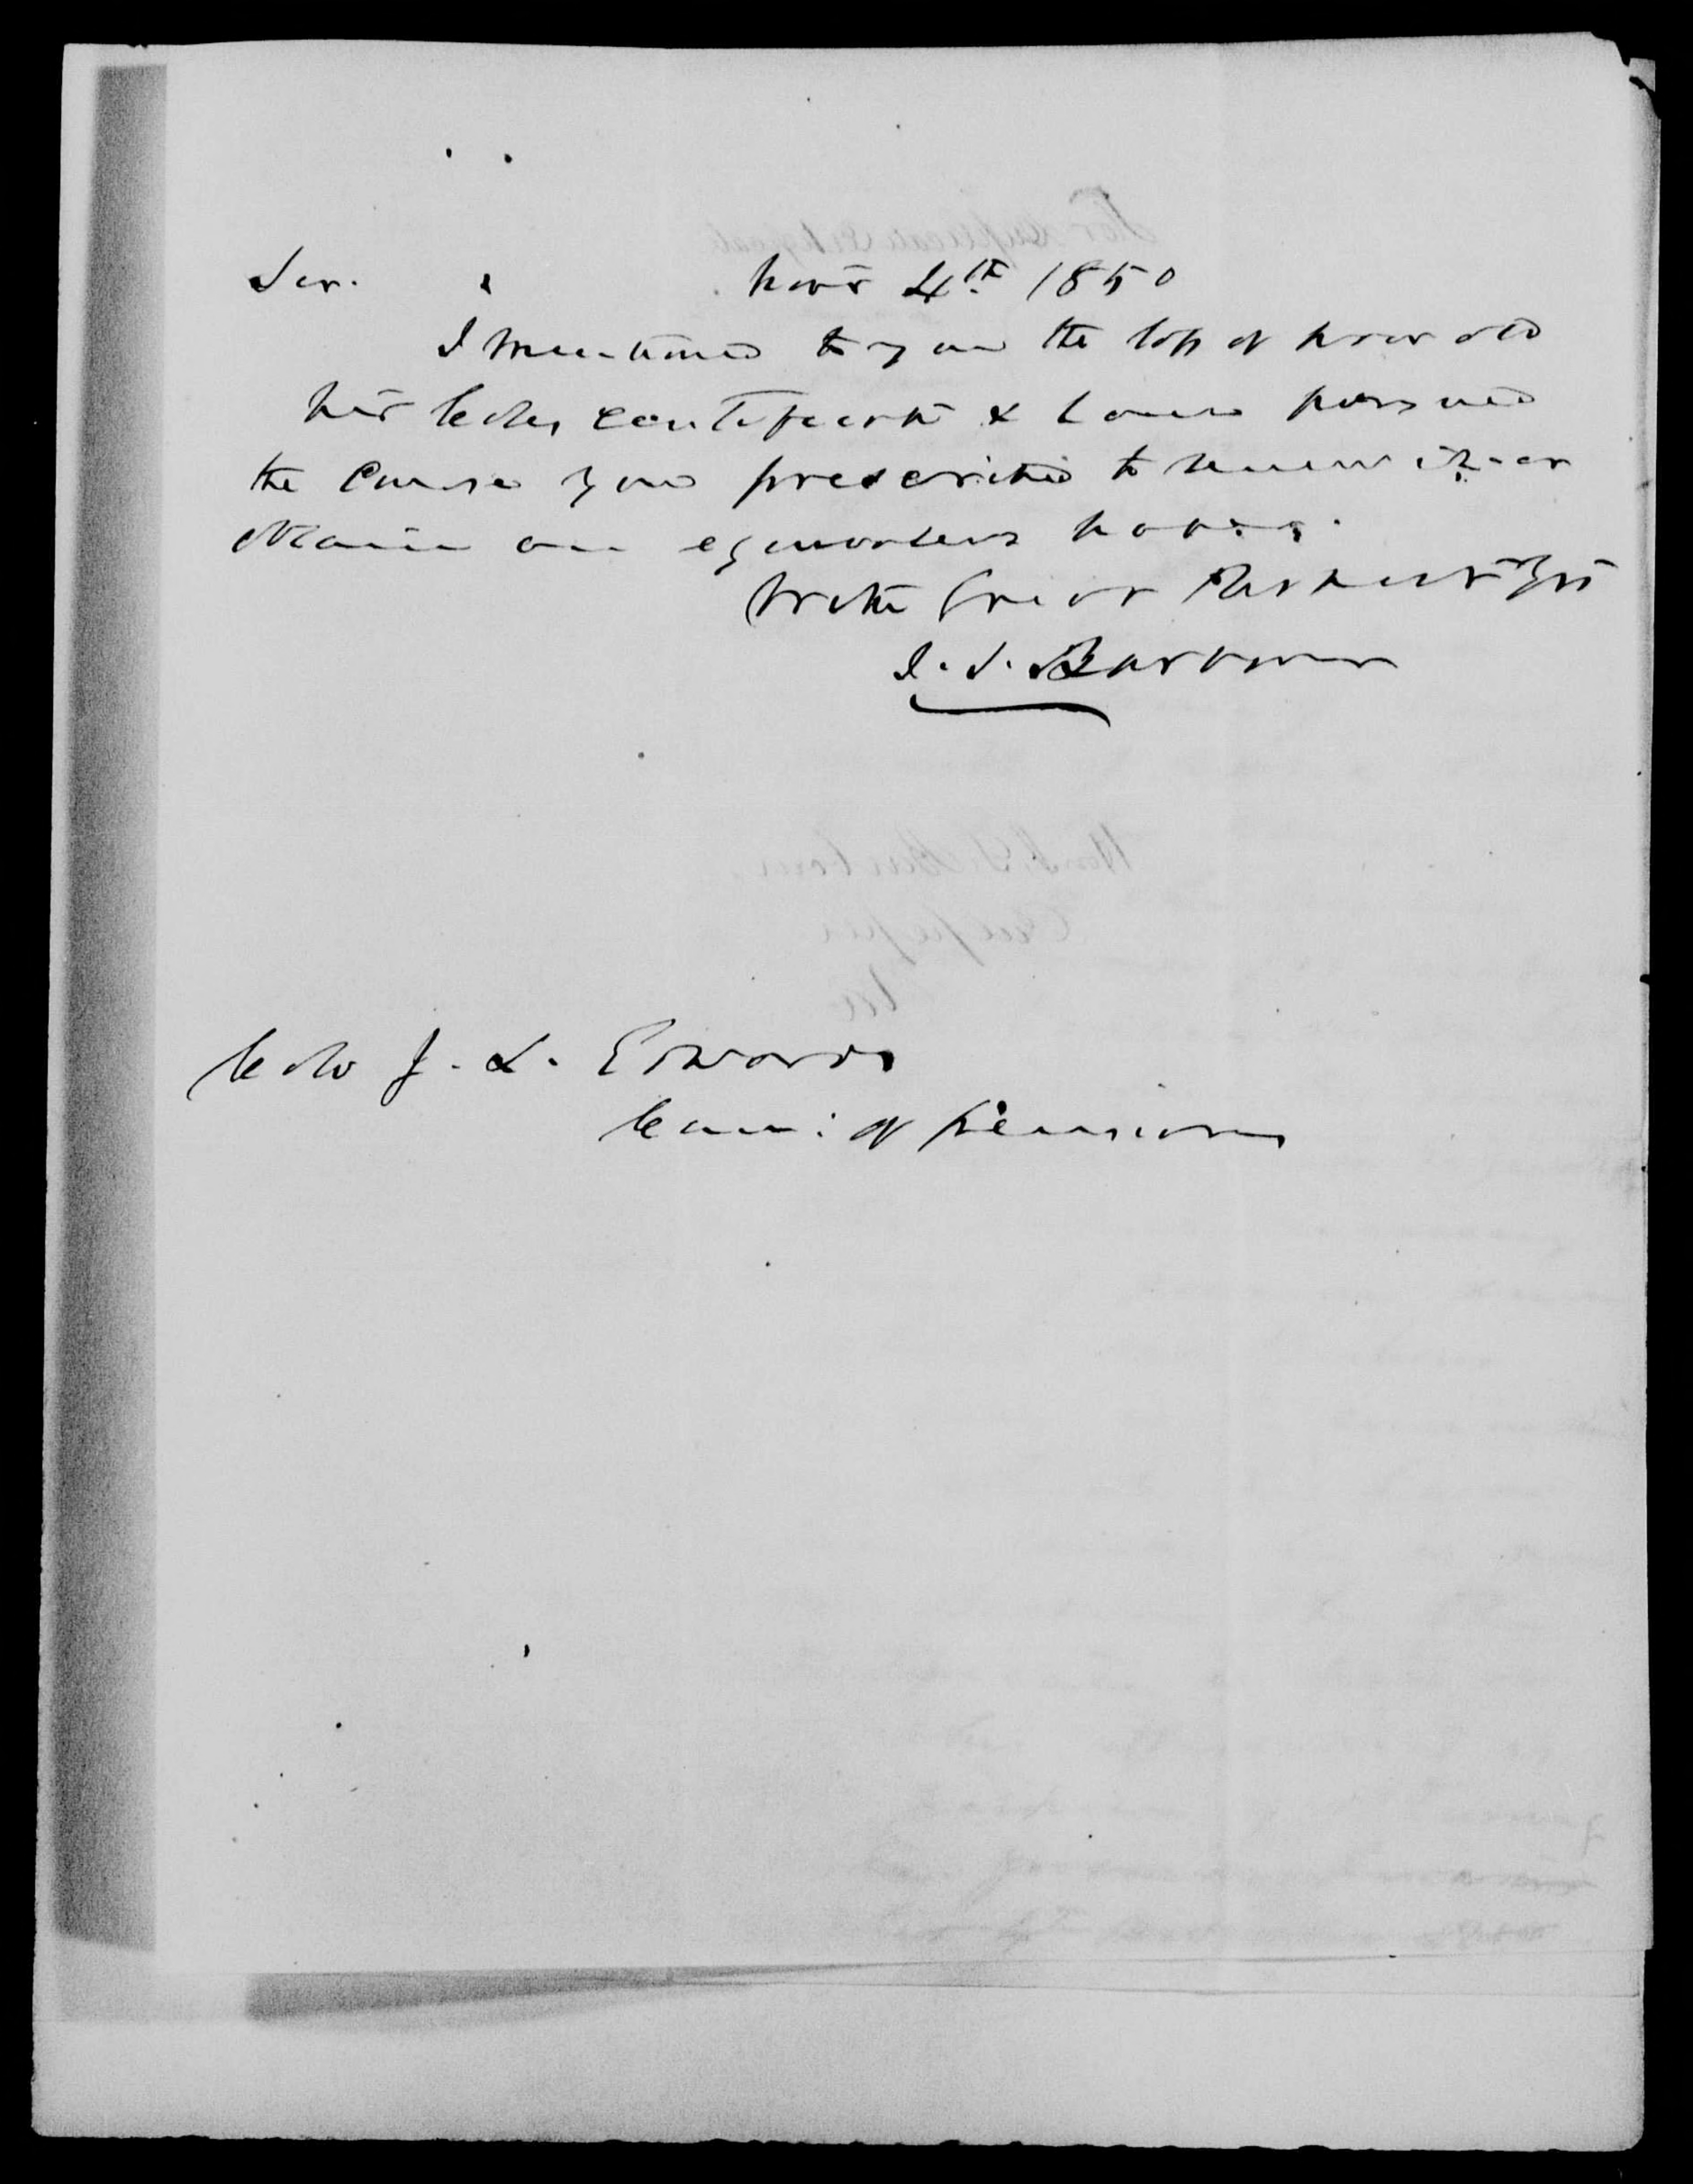Novr [November] 4th 1850
Sir
I mentioned to you the lot of Daniel Cole certificate & have pursued the course you prescribed to  [illegible] [illegible] [illegible] [illegible] [illegible] 
With great respect
J. S. Barbour



[illegible] 
J. L. Edwards
Com [Commissioner] of pensions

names: Cole, J L Edwards, J S Barbour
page: 29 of 61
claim: survivor's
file: S. 8236, Daniel Cole, Va.